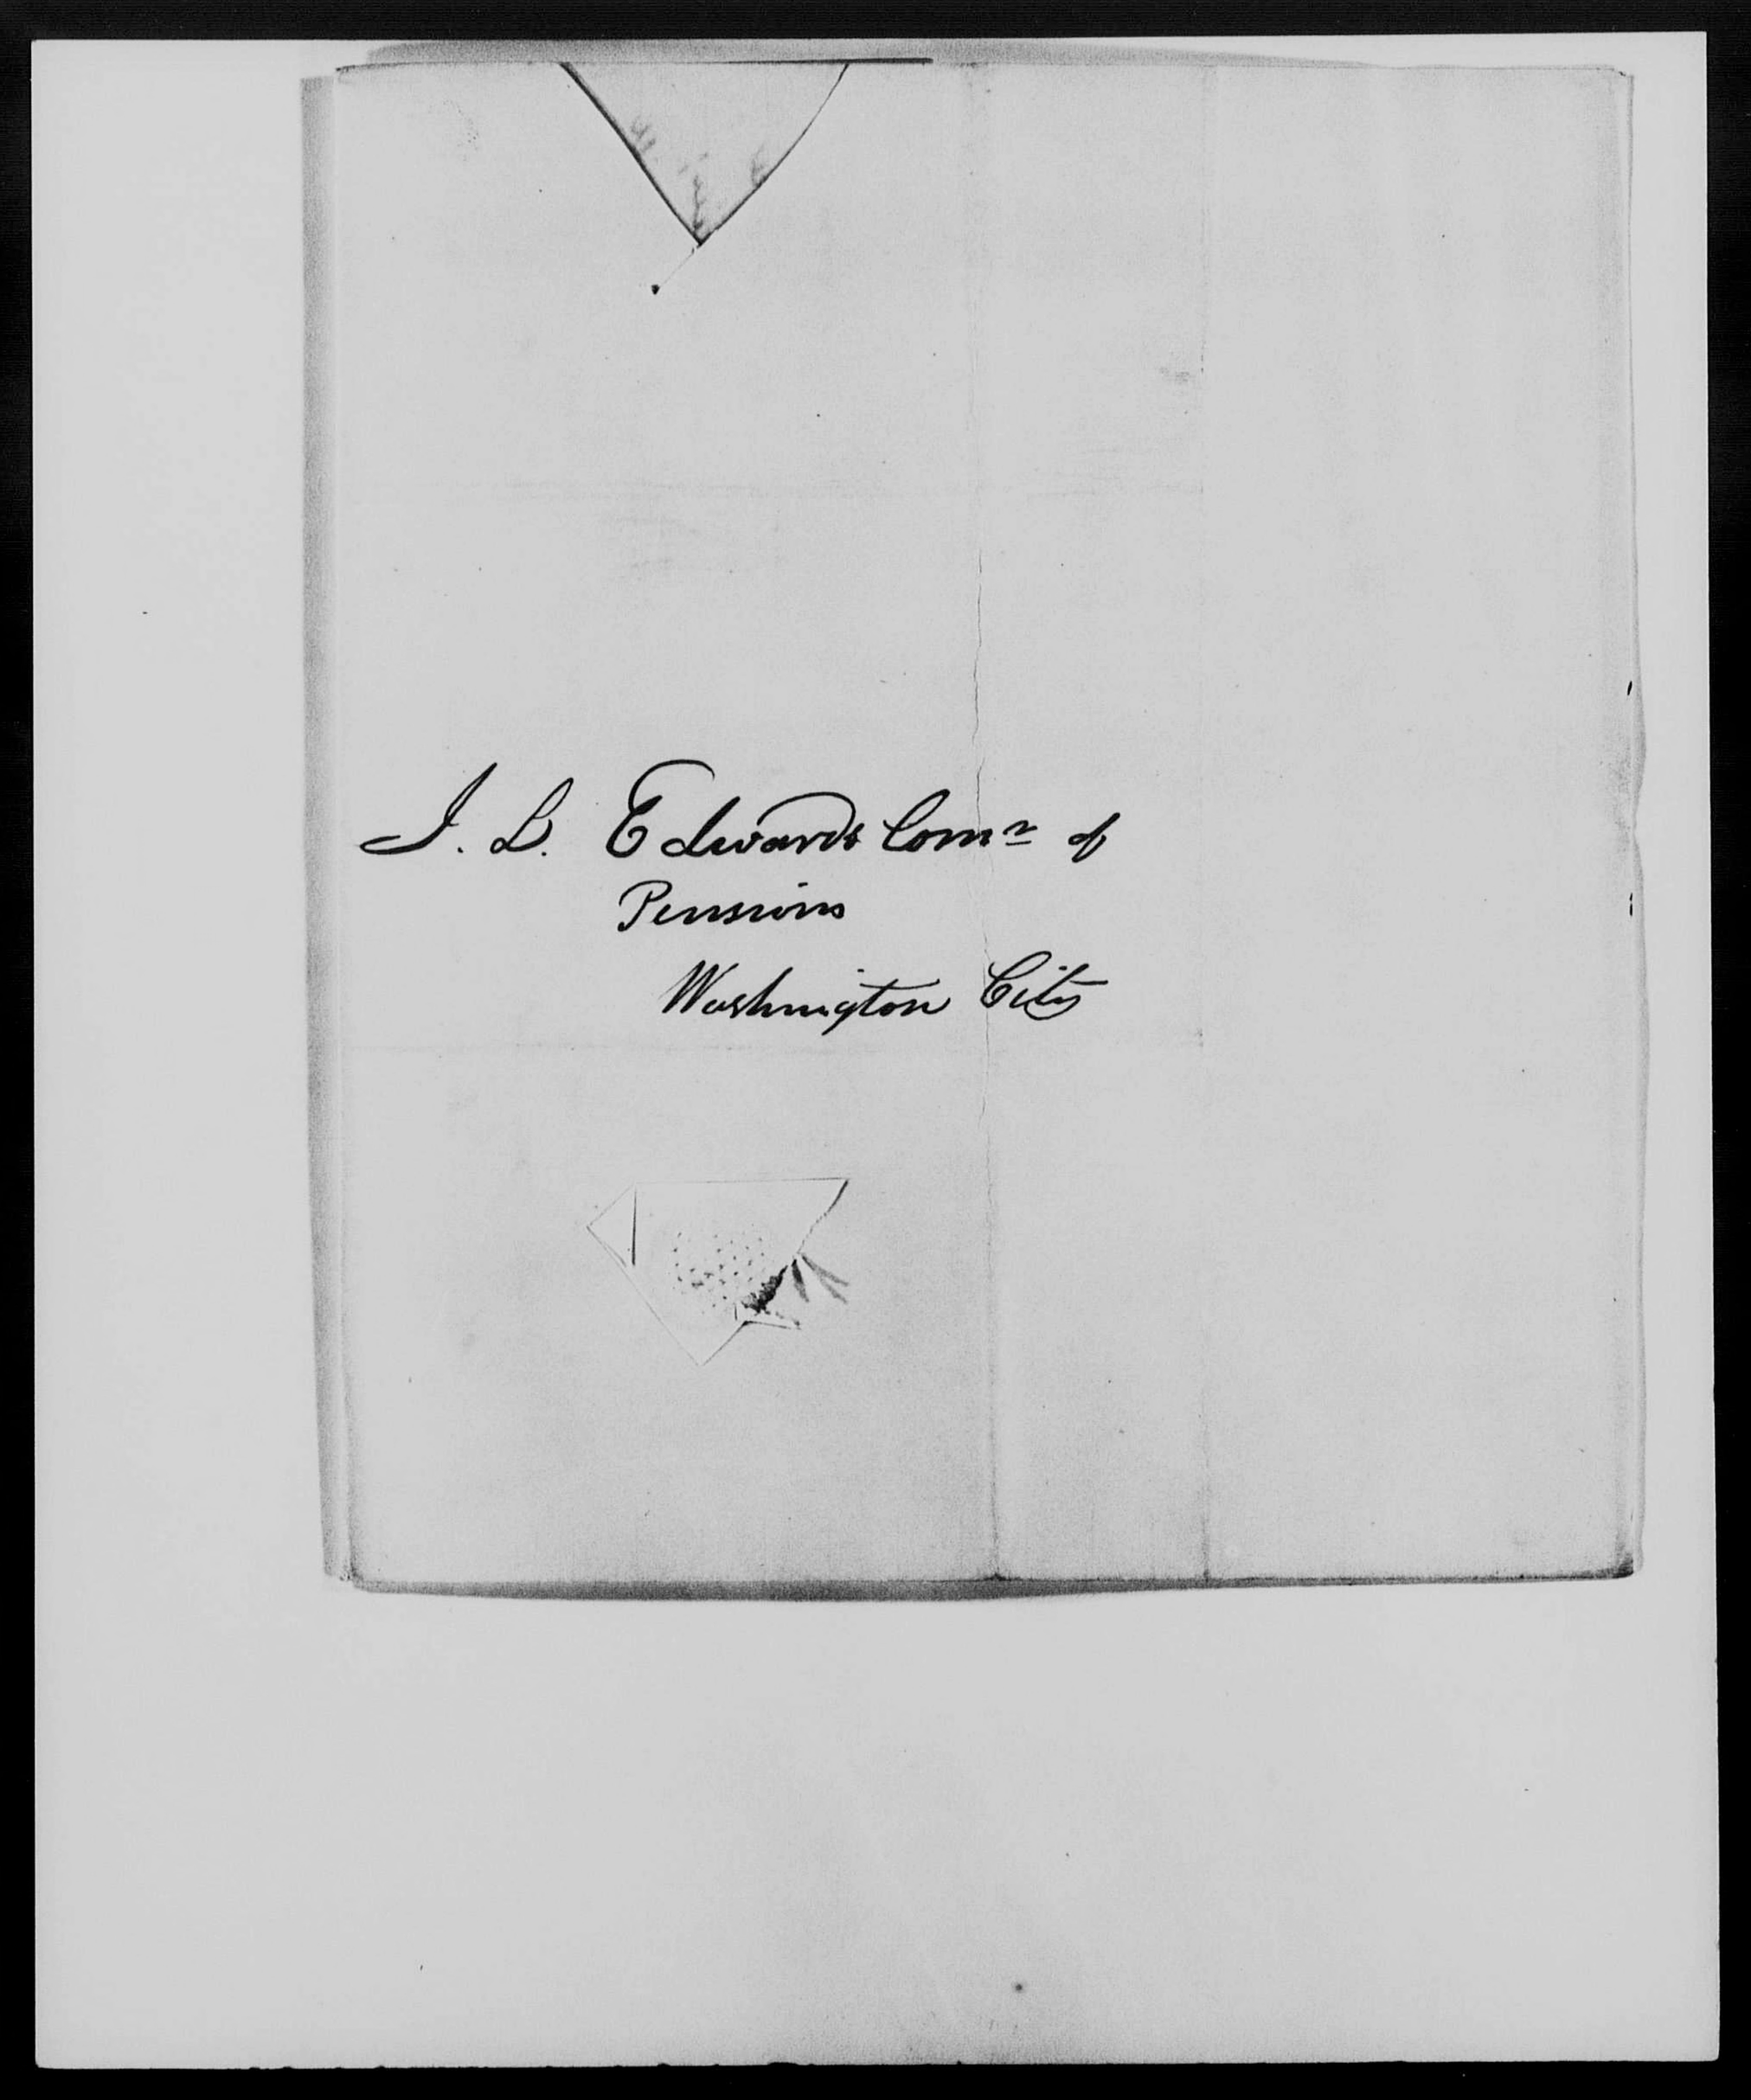J. L. Edwards Coms of
Pensions
Washington City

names: J L Edwards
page: 14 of 18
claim: widow's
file: W. 20640, Caleb Austin, R.I.